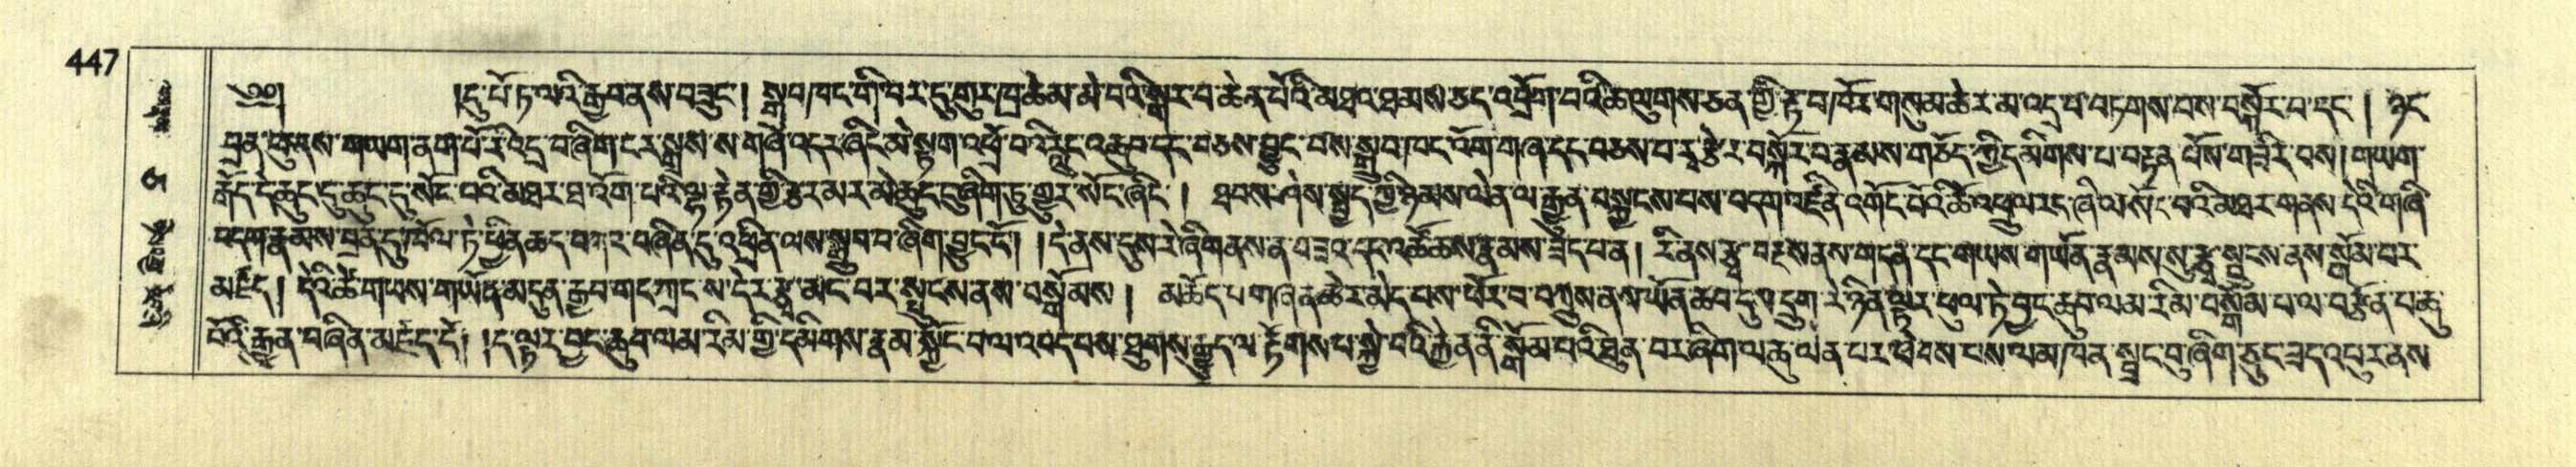༄༅། །དུ་པོ་ཏ་ལའི་རྒྱབ་ནས་བཟུང་། སྒྲབ་ཁང་གི་བར་དུ་གུར་ཁྲ་ཆེམ་མེ་བའི་སྒར་བ་ཆེན་པོའི་མཐའ་ཐམས་ཅད་འབྲོག་པའི་ཆ་ལུགས་ཅན་གྱི་རྟ་བ་ཁོར་གསུམ་ཆེར་མ་འདྲ་བ་བཏགས་པས་བསྐོར་བ་དང་། ཉང་
བྲན་ཕུ་ནས་གཡག་ནག་པོ་རི་འདྲ་བཞིག་ངར་སྒྲས་པ་གཞོ་འདར་ཞིང་མེ་སྟག་འཕྲོ་བའི་རླུང་འྩུབ་དང་བཅས་བྱུང་བས་སྒྲུབ་ཁང་འོག་གཞན་དང་བཅས་པ་རྭ་རྩེར་བསྐོར་བ་རྣམས་གཅོད་ཀྱི་དམིགས་པ་བརྟན་པོས་གཟི་བས། གཡག་
རྒོད་དེ་ཆུང་དུ་ཆུང་དུ་སོང་བའི་མཐར་ཐ་འོག་པའི་ལྷ་རྟེན་གྱི་རྩར་མར་མེ་ཆུང་ངུ་ཞིག་ཏུ་གྱུར་སོང་ཞིང་། ཐབས་ཤེས་སྤྱད་ཀྱི་ཉམས་ལེན་ལ་རྒྱུན་བསྐྱངས་པས་བདག་འཛིན་འགོང་པོའི་ཆོ་འཕྲུལ་རང་ཞི་ལ་སོང་བའི་མཐར་གནས་དེའི་གཞི་
བདག་རྣམས་བྲན་དུ་ཁོལ་ཏེ་ཕྱིན་ཆད་བཀའ་བཞིན་དུ་འཕྲིན་ལས་སྒྲུབ་པ་ཞིག་བྱུང་ངོ། །དེ་ནས་དུས་རེ་ཞིག་ནས་ན་བཟའ་དང་འཚོ་ཆས་རྣམས་ཟད་པ་ན། རི་ནས་རྩྭ་བརྔས་ནས་གདན་དང་གཡས་གཡོན་རྣམས་སུ་རྩྭ་སྤུངས་ནས་སྒོམ་པར་
མཛད། དེའི་ཚེ་གཡས་གཡོན་མདུན་རྒྱབ་གང་ཀྲང་ས་དེར་རྩྭ་མང་བར་སྤུངས་ནས་བསྒོམས། མཆོད་པ་གཞན་ཆེར་མེད་པས་ཕོར་བ་བཀྲུས་ནས་ཡོན་ཆབ་དུས་དྲུག་རེ་ཉིན་ལྟར་ཕུལ་ཏེ་བྱང་ཆུབ་ལམ་རིམ་བསྒོམ་པ་ལ་བརྩོན་པ་ཆུ་
བོའི་རྒྱུན་བཞིན་མཛད་དོ། །ད་ལྟར་བྱང་ཆུབ་ལམ་རིམ་གྱི་དམིགས་རྣམ་སྐྱོང་བ་ལ་འདབས་ཐུགས་རྒྱུད་ལ་རྟོགས་པ་སྐྱེ་པའི་རྐྱེན་ནི་སྒོམ་པའི་ཐུན་བར་ཞིག་ལ་ཆུ་ལེན་པར་ཕེབས་བས་ལ་མཁན་སྦྲང་བུ་ཞིག་ཅུང་ཟད་འབུར་ནས་